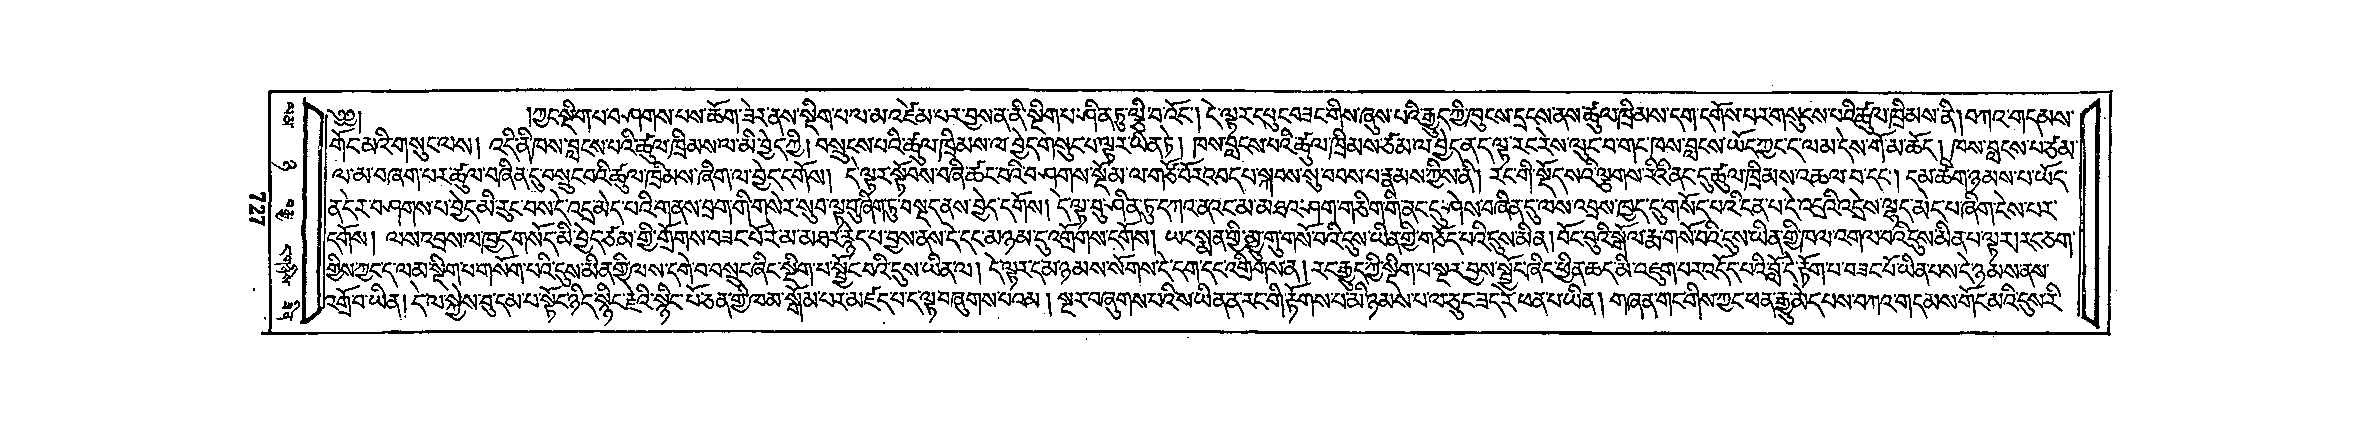༄༅། །ཀྱང་སྡིག་པ་བཤགས་པས་ཆོག་ཟེར་ནས་སྡིག་པ་ལ་མ་འཛེམ་པར་བྱས་ན་ནི་སྡིག་པ་ཤིན་ཏུ་ལྕི་བ་འོང་། དེ་ལྟར་དཔུང་བཟང་གིས་ཞུས་པའི་རྒྱུད་ཀྱི་ཁུངས་དྲངས་ནས་ཚུལ་ཁྲིམས་དག་དགོས་པར་གསུངས་པའི་ཚུལ་ཁྲིམས་ནི། བཀའ་གདམས་
གོང་མའི་གསུང་ལས། འདི་ནི་ཁས་བླངས་པའི་ཚུལ་ཁྲིམས་ལ་མི་བྱེད་ཀྱི། བསྲུངས་པའི་ཚུལ་ཁྲིམས་ལ་བྱེད་གསུང་པ་ལྟར་ཡིན་ཏེ། ཁས་བླངས་པའི་ཚུལ་ཁྲིམས་ཙམ་ལ་བྱེད་ན་ད་ལྟ་རང་རེས་ལུང་བ་གང་ཁས་བླངས་ཡོད་ཀྱང་ད་ལམ་དེས་གོ་མ་ཆོད། ཁས་བླངས་པ་ཙམ་
ལ་མ་བཞག་པར་ཚུལ་བཞིན་དུ་བསྲུང་བའི་ཚུལ་ཁྲིམས་ཞིག་ལ་བྱེད་དགོས། དེ་ལྟར་སྟོབས་བཞི་ཚང་བའི་བཤགས་སྡོམ་ལ་གཙོ་བོར་འབད་པ་སྐབས་སུ་བབས་པ་རྣམས་ཀྱིས་ནི། རང་གི་སྡོད་སའི་ལྕགས་རིའི་ནང་དུ་ཚུལ་ཁྲིམས་འཆལ་བ་དང་། དམ་ཚིག་ཉམས་པ་ཡོད་
ན་དེར་བཤགས་པ་བྱེད་མི་རུང་བས་དེ་འདྲ་མེད་པའི་གནས་བྲག་གི་གསེར་སུབ་ལྟ་བུ་ཞིག་ཏུ་བསྡད་ནས་བྱེད་དགོས། དེ་ལྟ་བུ་ཤིན་ཏུ་དཀའ་ནའང་མ་མཐའ་ཤག་གཅིག་གི་ནང་དུ་ཤེས་བཞིན་དུ་ལས་འབྲས་ཁྱད་དུ་གསོད་པའི་ངན་པ་དེ་འདྲའི་འདྲེས་ལྷད་མེད་པ་ཞིག་ངེས་པར་
དགོས། ལས་འབྲས་ལ་ཁྱད་གསོད་མི་བྱེད་ཙམ་གྱི་གྲོགས་བཟང་པོ་རེ་མ་མཐར་རྙེད་པ་བྱས་ནས་དེ་དང་མཉམ་དུ་འགྲོགས་དགོས། ཡང་སྨན་གྱི་མྱུ་གུ་གསོ་བའི་དུས་ཡིན་གྱི་གཅོད་པའི་དུས་མིན། བོང་བུའི་སྒོལ་རྨ་གསོ་བའི་དུས་ཡིན་གྱི་ཁལ་འགལ་བའི་དུས་མིན་པ་ལྟར། རང་ཅག་
གྱིས་ཀྱང་ད་ལམ་སྡིག་པ་གསོག་པའི་དུས་མིན་གྱི་ལས་དགེ་བ་བསྲུང་ཞིང་སྡིག་པ་སྦྱོང་བའི་དུས་ཡིན་ལ། དེ་ལྟར་དམ་ཉམས་སོགས་དེ་དག་དང་འགྲིགས་ན། རང་རྒྱུད་ཀྱི་སྡིག་པ་སྔར་བྱས་སྦྱོང་ཞིང་ཕྱིན་ཆད་མི་འཇུག་པར་འདོད་པའི་བློ་དེ་རྟོག་པ་བཟང་པོ་ཡིན་པས་དེ་ཉམས་ནས་
འགྲོ་བ་ཡིན། དེ་ལ་སྐྱེས་བུ་དམ་པ་སྟོང་ཉིད་སྙིང་རྗེའི་སྙིང་པོ་ཅན་གྱི་ལམ་སྒོམ་པར་མཛད་པ་ད་ལྟ་བཞུགས་པའམ། སྔར་བཞུགས་པའི་ས་ཡིན་ན་རང་གི་རྟོགས་པ་མི་ཉམས་པ་ལ་ཅུང་ཟད་རེ་ཕན་པ་ཡིན། གཞན་གང་གིས་ཀྱང་ཕན་རྒྱུ་མེད་པས་བཀའ་གདམས་གོང་མའི་དུས་རི་